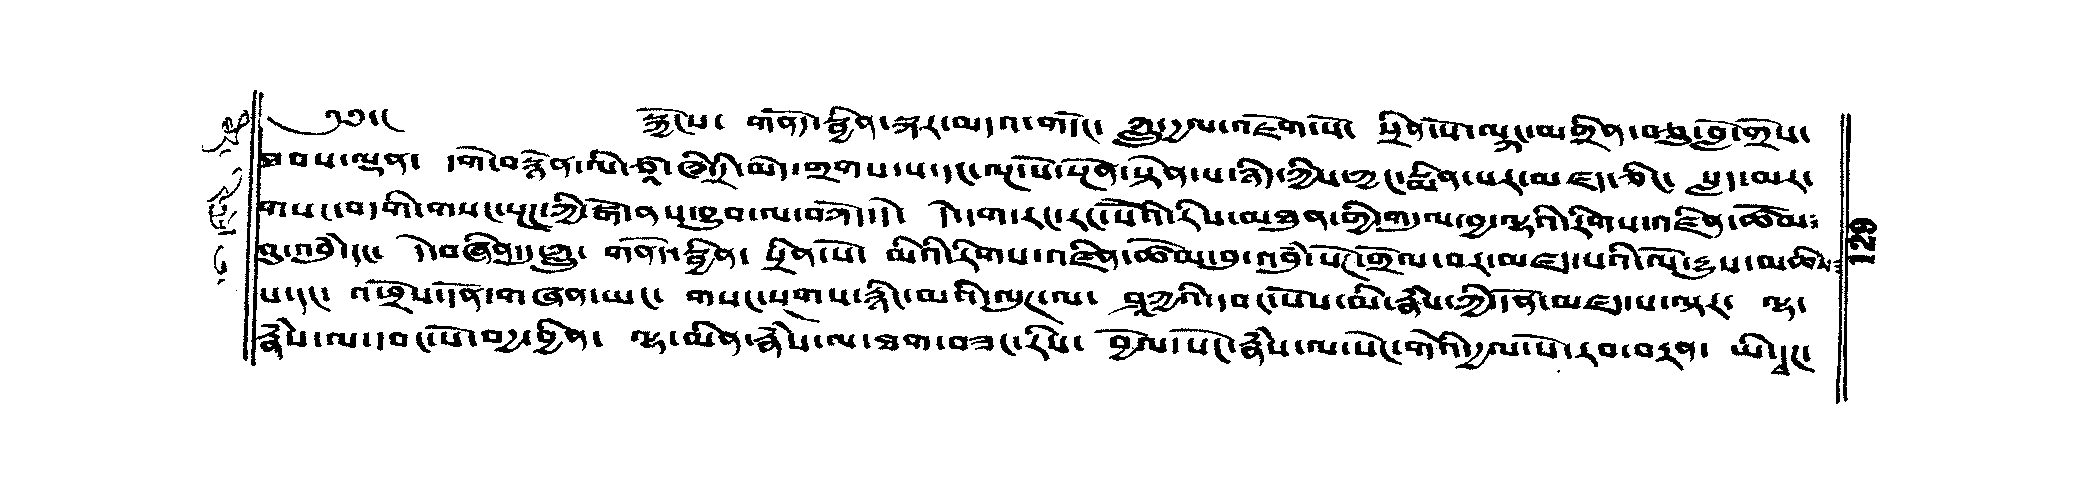ངོཔ། གནོདཔསྦྱིནཔསྐརཔམདའཔགདོངཔ།ཀླུཔརྒྱལཔའཇོགཔ་ོ། སྲིནཔ་ོཔལངྐཔམགྲིནཔབཅུཔབློཔགྲོསཔ
ཐབསཔལྡན། དགེཔབསྙེནཔལིཔཙཱཔཝིཔདྲིཔམེདཔགྲགསཔ་པདངཔལྔཔ་ོཔསྔོནཔསྟོནཔ་པཉིདཔཀྱིསཔཀྱངཔསྨིནཔ་རཔམཛདཔཅིངཔ། སླདཔམརཔ
གསངཔབདགཔགིཔགསངཔསྔགསཔཀྱིཔསྒོཔནསཔབྱངཔཆུབཔལཔབཀོདཔདེ། དེཔདགཔརངཔརངཔསོཔསོའིཔརིསཔམཐུནཔགྱིཔགདུལཔབྱཔལྷའིཔརིགཔའཛིནཔཚོམ
པབུཔའབུམཔདངཔ། དེཔབཞིནཔདུཔཀླུ། གནོདཔསྦྱིན། སྲིནཔ་ོ། མིའིཔརིགཔའཛིནཔཚོམཔབུཔའབུམཔསོགསཔགྲོལཔབརཔམཛདཔ་འིཔལོཔརྒྱུསཔམཆིས
པ་པདངཔ། གསངཔསྔགསཔརྙིངཔམའིཔལུགསཔལ། ཤཱཀྱའིཔདབངཔ་ོསཔམིཔརྣམསཔཀྱིཔདོནཔམཛདཔ་པལྟར། ལྷ
པརྣམསཔལཔདབངཔ་ོཔབརྒྱཔབྱིན། ལྷཔམིནཔརྣམསཔལཔཐགསཔབཟངཔརིས། བྱོལཔསོངཔརྣམསཔལཔསེངཔགེཔརྒྱལཔ་ོཔརབཔབརྟན། ཡིཔདྭགསཔ